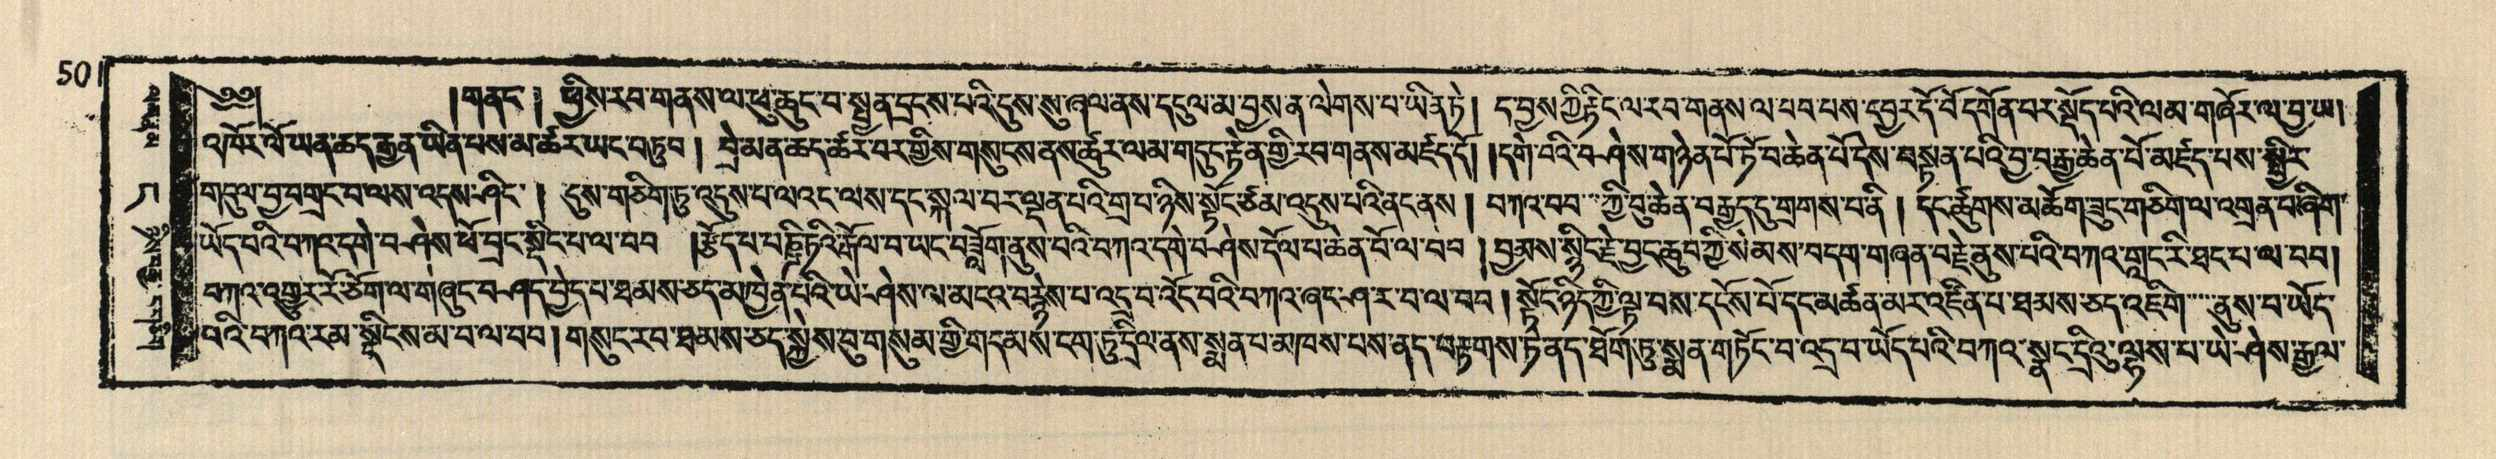༄༅། །གནང་། ཕྱིས་རབ་གནས་ལ་ཕུ་ཆུང་བ་སྤྱན་དྲངས་པའི་དུས་སུ་ཞལ་ནས་དངུལ་མ་བྱས་ན་ལེགས་པ་ཡིན་ཏེ། ད་བྱས་ཀྱི་རྟིང་ལ་རབ་གནས་ལ་བབ་པས་དབྱར་དོ་བོ་དགོན་པར་སྡོད་པའི་ལམ་གཞོར་ལ་བྱ་ཡ།
འཁོར་ལོ་ཡན་ཆད་རྒྱན་ཡིན་པས་མ་ཚར་ཡང་བཏུབ། བྲེ་མན་ཆད་ཚར་བར་གྱིས་གསུངས་ནས་ཚུར་ལམ་གདུང་རྟེན་གྱི་རབ་གནས་མཛད་དོ། །དགེ་བའི་བཤེས་གཉེན་པོ་ཏོ་བ་ཆེན་པོ་དེས་བསྟན་པའི་བྱ་བ་རྒྱ་ཆེན་པོ་མཛད་པས་སྤྱིར་
གདུལ་བྱ་བགྲང་བ་ལས་འདས་ཤིང་། དུས་གཅིག་ཏུ་འདུས་པ་ལའང་ལས་དང་སྐལ་བར་ལྡན་པའི་གྲ་པ་ཉིས་སྟོང་ཙམ་འདུས་པའི་ནང་ནས། བཀའ་བབ་ཀྱི་བུ་ཆེན་བརྒྱད་དུ་གྲགས་པ་ནི། དང་ཚུགས་མཆོག་ཟུང་གཅིག་ལ་འགྲན་པ་ཞིག་
ཡོད་པའི་བཀའ་དགེ་བཤེས་ཕོ་བྲང་སྡིང་པ་ལ་བབ་།རྩོད་པ་པཎྜི་ཏའི་རྒོལ་བ་ཡང་བཟློག་ནུས་པའི་བཀའ་དགེ་བཤེས་དོལ་བ་ཆེན་པོ་ལ་བབ་།བྱམས་སྙིང་རྗེ་བྱང་ཆུབ་ཀྱི་སེམས་བདག་པའི་ཡེ་ཤེས་ལ་མངའ་བརྙེས་པ་འདྲ་བ་འོང་བའི་
བཀའ་ཞང་རོ་ཅོག་ལ་གཞུང་བཤད་བྱེད་པ་ཐམས་ཅད་མཁྱེན་པའི་ཡེ་ཤེས་ལ་མངའ་བརྙེས་པ་འདྲ་བ་འོང་བའི་བཀའ་ཞང་ཤ་ར་བ་ལ་བབ། སྟོང་ཉིད་ཀྱི་ལྟ་བས་དངོས་པོ་དང་མཚན་མར་འཛིན་པ་ཐམས་ཅད་འཇིག་ནུས་པ་ཡོད་
པའི་བཀའ་རམ་སྡིངས་མ་བ་ལ་བབ། གསུང་རབ་ཐམས་ཅད་སྐྱེས་བུ་གསུམ་གྱི་གདམས་ངག་ཏུ་དྲིལ་ནས་སྨན་པ་མཁས་པས་ནད་བརྟགས་ཏེ་ནད་ཐོག་ཏུ་སྨན་གཏོང་བ་འདྲ་བ་ཡོད་པའི་བཀའ་སྣང་དྲིའུ་ལྷས་པ་ཡེ་ཤེས་རྒྱལ་